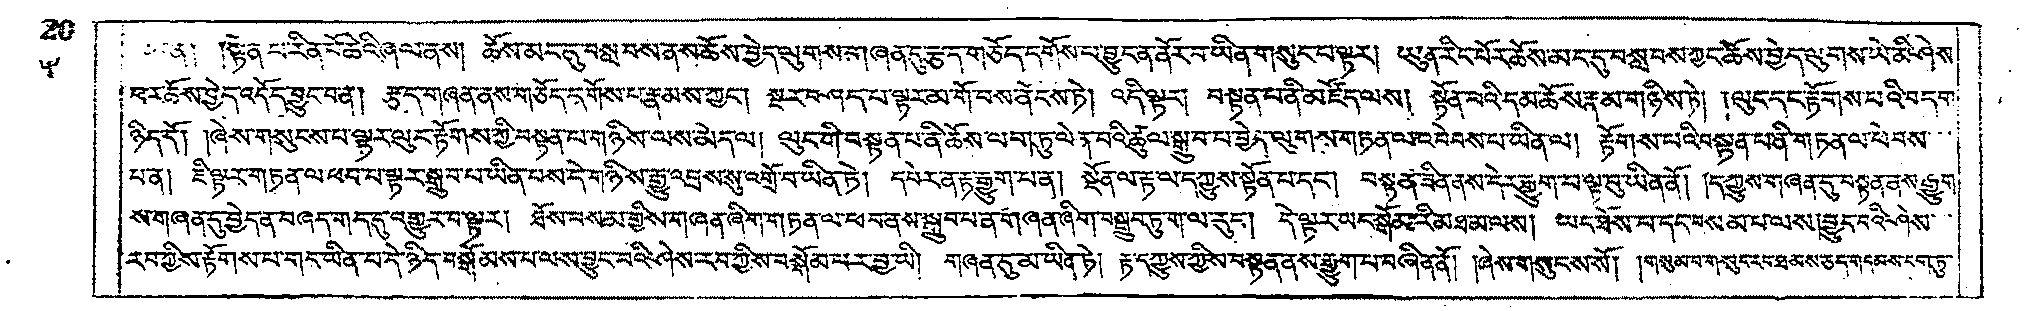མན་ན། །སྟེན་པ་རིན་པོ་ཆེའི་ཞལ་ནས། ཆོས་མང་དུ་བསླབས་ནས་ཆོས་བྱེད་ལུགས་གཞན་དུ་རྩད་གཅོད་དགོས་པ་བྱུང་ན་ནོར་བ་ཡིན་གསུང་པ་ལྟར། ཡུན་རིང་པོར་ཆོས་མང་དུ་བསླབས་ཀྱང་ཆོས་བྱེད་ལུགས་ཡེ་མི་ཤེས་
པར་ཆོས་བྱེད་འདོད་བྱུང་བ་ན། རྩད་གཞན་ནས་གཅོད་དགོས་པ་རྣམས་ཀྱང་། སྔར་བཤད་པ་ལྟར་མ་གོ་བས་ནོངས་ཏེ། འདི་ལྟར། བསྟན་པ་ནི་མཛོད་ལས། སྟོན་པའི་དམ་ཆོས་རྣམ་གཉིས་ཏེ། །ལུང་དང་རྟོགས་པའི་བདག་
ཉིད་དོ། །ཞེས་གསུངས་པ་ལྟར་ལུང་རྟོགས་ཀྱི་བསྟན་པ་གཉིས་ལས་མེད་ལ། ལུང་གི་བསྟན་པ་ནི་ཆོས་ལག་ཏུ་ལེན་པའི་ཚུལ་སྒྲུབ་པ་བྱེད་ལུགས་གཏན་ལ་འབེབས་པ་ཡིན་ལ། རྟོགས་པའི་བསྟན་པ་ནི་གཏན་ལ་ཕེབས་
པ་ན། ཇི་ལྟར་གཏན་ལ་ཕབ་པ་ལྟར་སྒྲུབ་པ་ཡིན་པས་དེ་གཉིས་རྒྱུ་འབྲས་སུ་འགྲོ་བ་ཡིན་ཏེ། དཔེར་ན་རྟ་རྒྱུག་པ་ན། སྔོན་ལ་རྟ་ལ་དཀྱུས་སྟོན་པ་དང་། བསྟན་ཟིན་ནས་དེར་རྒྱུག་པ་ལྟ་བུ་ཡིན་ནོ། །དཀྱུས་གཞན་དུ་བསྟན་ནས་རྒྱུག་
ས་གཞན་དུ་བྱེད་ན་བཞད་གད་དུ་འགྱུར་བ་ལྟར། ཐོས་བསམ་གྱིས་གཞན་ཞིག་གཏན་ལ་ཕབ་ནས་སྒྲུབ་པ་ན་གཞན་ཞིག་བསྒྲུབ་ཏུ་ག་ལ་རུང་། དེ་ལྟར་ཡང་སྒོམ་རིམ་ཐ་མ་ལས། ཡང་ཐོས་པ་དང་བསམ་པ་ལས། བྱུང་བའི་ཤེས་
རབ་ཀྱིས་རྟོགས་པ་གང་ཡིན་པ་དེ་ཉིད་བསྒོམས་པ་ལས་བྱུང་བའི་ཤེས་རབ་ཀྱིས་བསྒོམ་པར་བྱ་ཡི། གཞན་དུ་མ་ཡིན་ཏེ། རྟ་དཀྱུས་ཀྱིས་བསྟན་ནས་རྒྱུག་པ་བཞིན་ནོ། །ཞེས་གསུངས་སོ། །གསུམ་པ་གསུང་རབ་ཐམས་ཅད་གདམས་ངག་ཏུ་